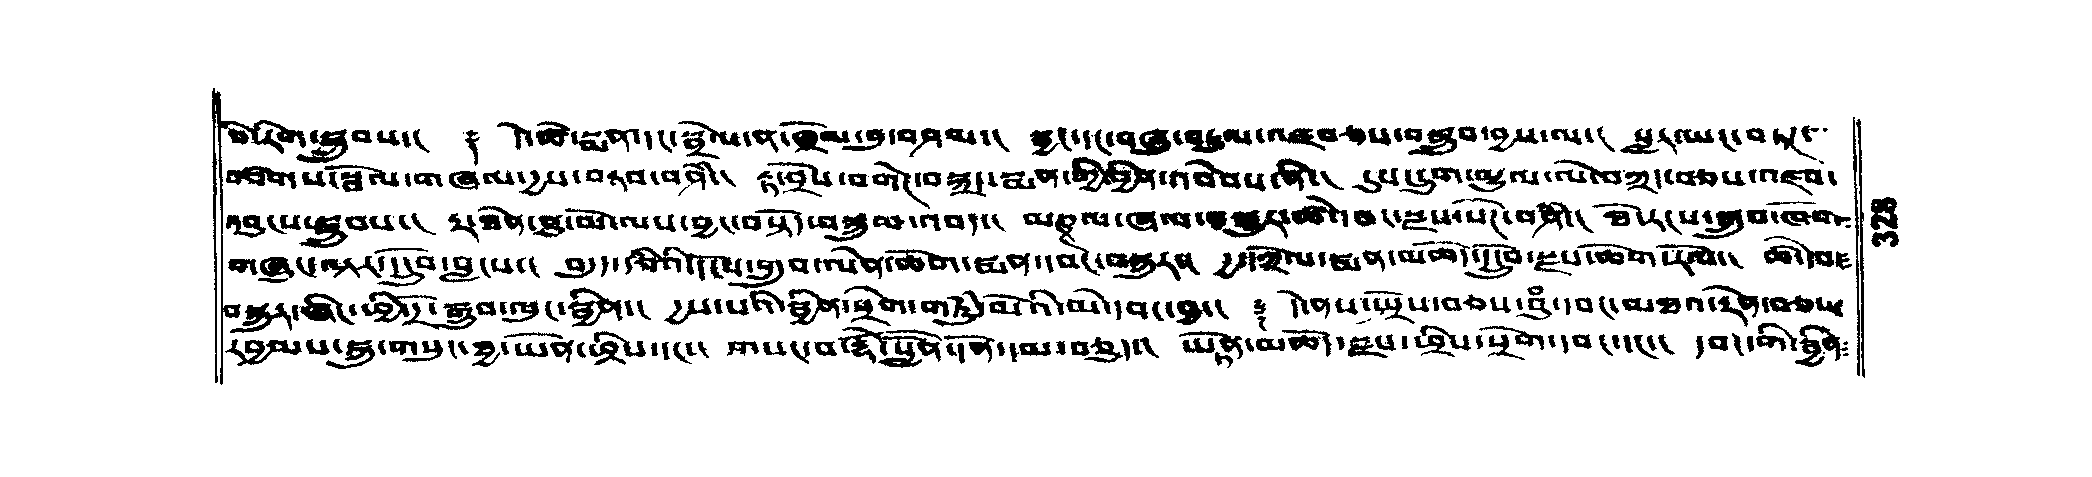ཅི་རིགས་སྒྲུབས། ། དེ་ཚེ་སྨན་དང་སྦྲེལ་ན་ཁྲོམ་བུ་བཤམ། །སྦྱང་དང་བཞུ་བཏུལ་འཛབ་བཅས་བསྒྲུབ་བྱས་ལ། །སླར་ཡང་བཏགས་
བཙགས་སྦོལ་གཞལ་རྒྱས་བཏབ་བཤམས། །རྟ་བྲོས་བགེགས་བསྐྲད་སྨན་གྱི་བྱིན་རླབས་ནི། །དུས་དྲུག་མྱུལ་ལེ་བསྐྲད་བཅས་འཛབ་
འབུངས་སྒྲུབས། །རྟ་ཐེན་ནུ་མོ་ལས་བྱང་བསྟོད་བསྐུལ་འབད། །མཎྜལ་ཞལ་བསྒྱུར་ཚེ་དབང་རྫས་སོགས་བཤམས། །ཐོ་རངས་སྒྲུབ་ཁོག་
གཞུང་ལྟར་དངོས་གྲུབ་བླངས། །བདུད་རྩིའི་དངོས་གྲུབ་ལེན་ཆོག་སྨན་དབང་བསྐུར། །རྒྱ་དཀྲོལ་སྨན་མཆོད་དངོས་གྲུབ་རྫས་ཆོག་རོལ། །ཚེ་དབང་
བསྐུར་ཞིང་ཕྱི་དྲོ་སྒྲུབ་ལུང་སྦྱིན། རྒྱས་པའི་སྦྱིན་སྲེག་གཏུམ་མོའི་མེ་དབང་བྱ། ། ༈ དེ་ནས་སྤྲོས་བཅས་བུམ་དབང་མཐའ་རྟེན་བཅས། །
རབ་འབྱམས་སྐུ་གསུང་ཐུགས་ཡོན་ཕྲིན་ལས་དང་། །གསང་བ་རྡོ་རྗེ་སློབ་དཔོན་དོན་དམ་བཅུད། །ཡོན་ཏན་མཆོད་རྫས་ཕྲིན་ལས་སྲོག་དབང་དང་། །དབང་གི་བྱིན་